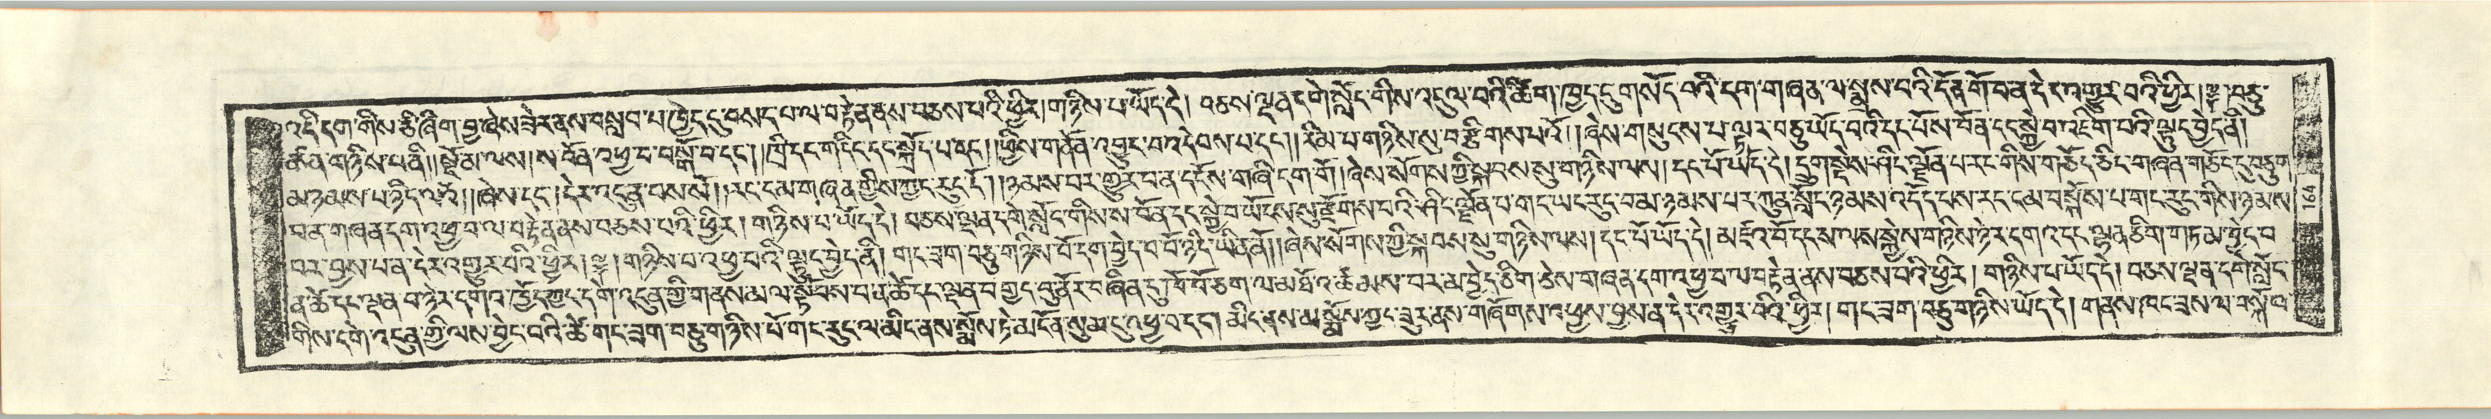འདི་དག་གིས་ཅི་ཞིག་བྱ་ཞེས་ཟེར་ནས་བསླབ་པ་ཁྱེད་དུ་བསད་པ་ལ་བརྟེན་ནས་བཅས་པའི་ཕྱིར། གཉིས་པ་ཡོད་དེ། བཅས་ལྡན་དགེ་སློང་གིས་འདུལ་བའི་ཚིག་ཁྱད་དུ་གསོད་བའི་དག་གཞན་ལ་སྨྲས་པའི་དོན་གོ་བ་ན་དེར་འགྱུར་བའི་ཕྱིར། ༈ །བཅུ་
ཚན་གཉིས་པ་ནི། །སྔོ་མ་ལས། ས་བོན་འཕྱ་བ་བསྒོ་བ་དང་། །ཁྲི་དང་གདིང་དང་སྐྲོད་པ་དང་། །ཕྱིས་གནོན་འབྱུང་བ་འདེབས་པ་དང་། །རིམ་པ་གཉིས་སུ་བརྩིགས་པའོ། །ཞེས་གསུངས་པ་ལྟར་བཅུ་ཡོད་པའི་དང་པོས་བོན་དང་སྐྱེ་བ་འཇིག་བའི་ལྟུང་བྱེད་ནི།
མཉམས་པ་ཉིད་ལའོ། །ཞེས་དང་། དེར་འདུན་པས་སོ། །རང་ངམ་གཞན་གྱིས་ཀྱང་རུང་ངོ། །ཉམས་བར་གྱུར་བ་ན་དངོས་གཞི་དག་གོ། ཞེས་སོགས་ཀྱི་སྐབས་སུ་གཉིས་ལས། དང་པོ་ཡོད་དེ། དྲུག་སྡེས་ཤིང་ལྗོན་པ་རང་གིས་གཅོད་ཅིང་གཞན་གཅོད་དུ་བཅུག་
བ་ན་གཞན་དག་འཕྱ་བ་ལ་བརྟེན་ནས་བཅས་པའི་ཕྱིར། གཉིས་པ་ཡོད་དེ། བཅས་ལྡན་དགེ་སློང་གིས་ས་བོན་དང་སྐྱེ་བ་ཡོངས་སུ་རྫོགས་པའི་ཤིང་ལྗོན་པ་གང་ཡང་རུང་བ་མ་ཉམས་པར་ཀུན་སློང་ཉམས་འདོད་པས་རང་ངམ་བསྐོས་པ་གང་རུང་གིས་ཉམས་
བར་བྱས་པ་ན་དེར་འགྱུར་བའི་ཕྱིར། ༈ །གཉིས་པ་འཕྱ་བའི་ལྟུང་བྱེད་ནི། གང་ཟག་བཅུ་གཉིས་བོ་དག་བྱེད་པ་པོ་ཉིད་ཡིན་ནོ། །ཞེས་སོགས་ཀྱི་སྐབས་སུ་གཉིས་ལས། དང་པོ་ཡོད་དེ། མཛའ་བོ་དང་ས་ལས་སྐྱེས་གཉིས་ཉེར་དགའ་དང་ལྷན་ཅིག་གཏམ་བྱེད་བ་
ན་ཚེ་དང་ལྡན་པ་ཉེར་དགའ་ཁྱོད་ཀྱང་དགེ་འདུན་གྱི་གནས་མལ་སྟོབས་པ་ན་ཚེ་དང་ལྡན་བགྱད་བུ་ནོར་བཞིན་དུ་ཁོ་བོ་ཅག་ལ་མཐོ་འཚམས་བར་མ་བྱེད་ཅིག་ཅེས་གཞན་དག་འཕྱ་བ་ལ་བརྟེན་ནས་བཅས་པའི་ཕྱིར། གཉིས་པ་ཡོད་དེ། བཅས་ལྡན་དགེ་སློང་
གིས་དགེ་འདུན་གྱི་ལས་བྱེད་བའི་ཚེ་གང་ཟག་བཅུ་གཉིས་པོ་གང་རུང་ལ་མིང་ནས་སྨོས་ཏེ་མངོན་སུམ་དུ་འཕྱ་བ་དང་། མིང་ནས་མ་སྨོས་ཀྱང་ཟུར་ནས་གཞོགས་འཕྱས་བྱས་ན་དེར་འགྱུར་བའི་ཕྱིར། གང་ཟག་བཅུ་གཉིས་ཡོད་དེ། གནས་ཁང་ཟས་ལ་བསྐོ་བ་